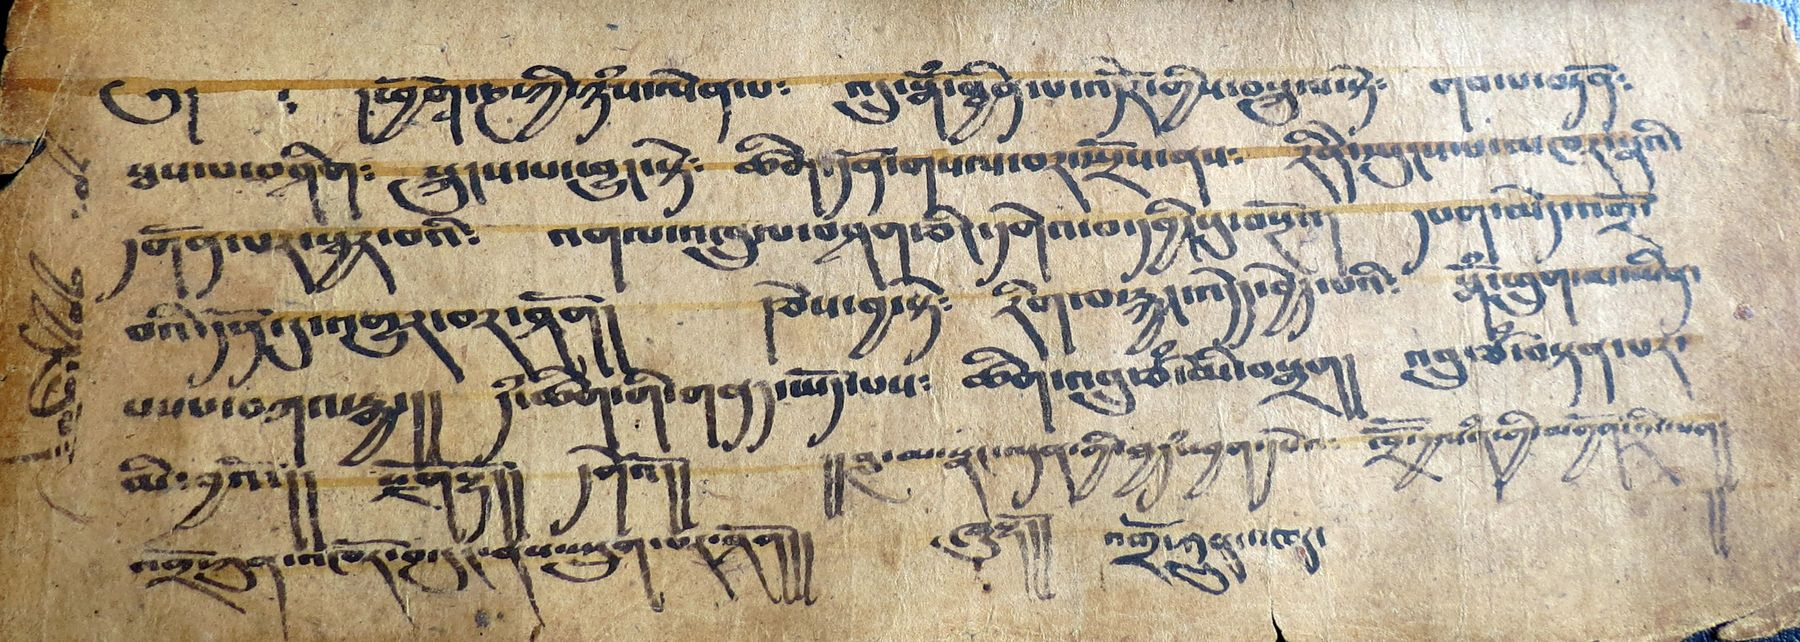ཕྱོགས་མེད་ཀྱི་ཉམས་ལེན་པ། འབྲུ་སྒོམ་སྦྱིན་པ་འོད་ཟེར་གྱིས་བསྐུལ་ཏེ། གབ་པ་བཏོན། 
སྦས་པ་བཤིགས། བསྐུངས་པ་ཕྱུངས་ཏེ། ཚིག་དོན་གསལ་བར་སྤྲོས་ནས། རིན་ཆེན་སྤུངས་པ་མཁར་སྣའི་
དགོན་པར་སྦྱར་བས། འགལ་འཁྲུལ་བཤགས་ཤིང་དགེ་བ་དབྱིངས་སུ་བསྔོ། དཔག་མེད་འགྲོ་
བའི་དོན་དུ་འགྱུར་བར་ཤོག ཅེས་བྱ་སྟེ། རིག་པ་རྐྱང་འདེད་བྱེད་པའི། སྒོམ་ཕྲུག་མ་ཡིན་
པ་ལ་བཀའ་རྒྱ། དམ་ཚིག་གི་གནད་ཡོད་པས། ཚིག་འབྲུ་ཙམ་མི་བསྒྲགས། འབྲུ་ཙམ་ཡང་བསྟན་པར་
མི་བྱའོ། ། རྫོགས་སོ། ། བླ་མ་སྣང་ལྡན་གྱི་ཐུགས་དམ་ཕྱག་དཔེ། ཁྲོ་བོ་རྒྱལ་མཚན་གྱི་མགྱོགས་བྲི་ལགས། ། 
འགྲོ་ཀུན་འཁོར་བ་དོང་ནས་སྤྲུགས་པར་ཤོག། ། ། ཞུས་སོ། །